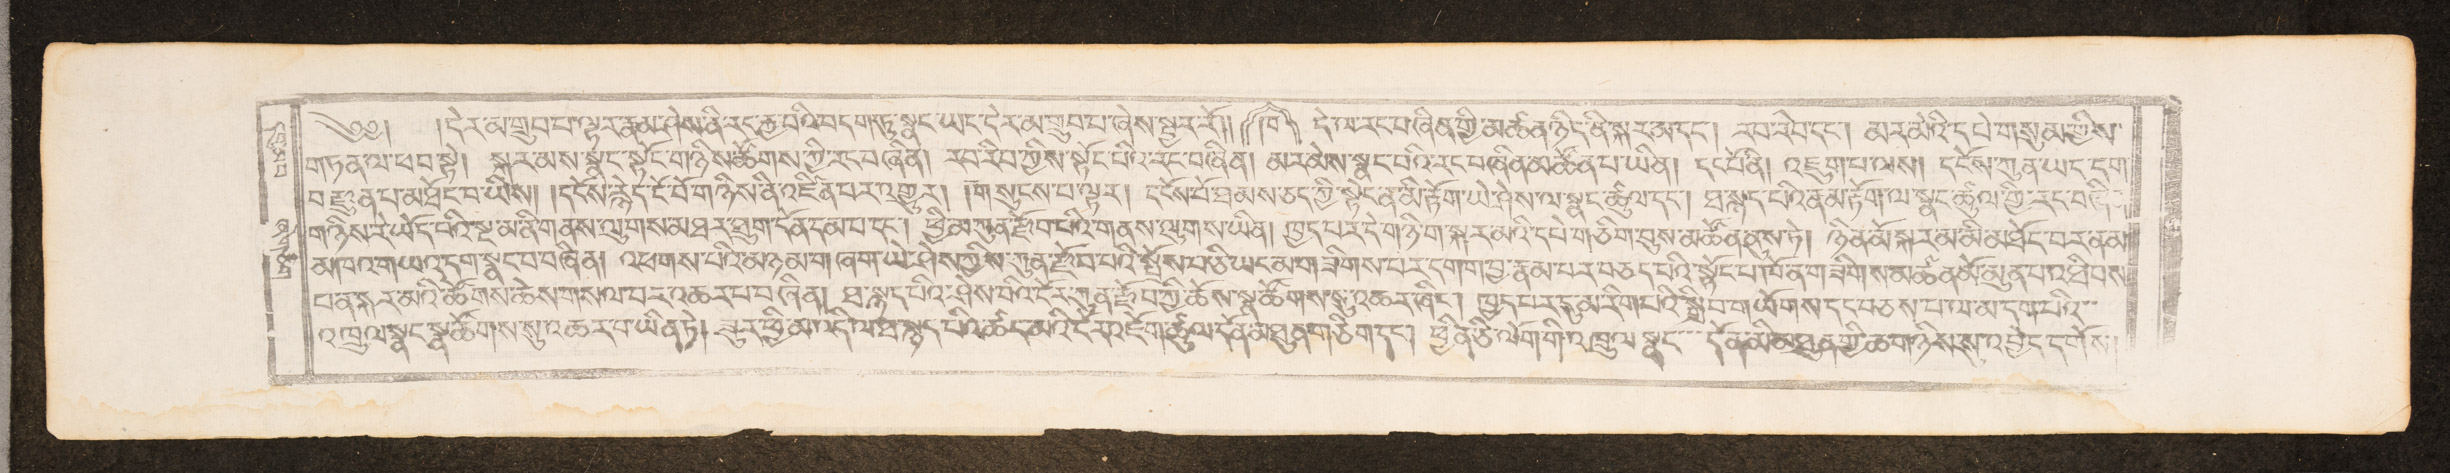༄༅། །དེར་མ་གྲུབ་པ་ལྟར་རྣམ་ཤེས་ནི་རང་རྐྱ་བའི་བདག་ཏུ་སྣང་ཡང་དེར་མ་གྲུབ་པ་ཞེས་སྦྱར་རོ།། ༼༽ཁ༼༽ དེ་ལ་རང་བཞིན་གྱི་མཚན་ཉིད་ནི་སྐར་མ་དང་། རབ་རིབ་དང་། མར་མེའི་དཔེ་གསུམ་གྱིས་
གཏན་ལ་ཕབ་སྟེ། སྐར་མས་སྣང་སྟོང་གཉིས་ཚོགས་ཀྱི་རང་བཞིན། རབ་རིབ་ཀྱིས་སྟོང་པའི་རང་བཞིན། མར་མེས་སྣང་བའི་རང་བཞིན་མཚོན་པ་ཡིན། དང་པོ་ནི། འཇུག་པ་ལས། དངོས་ཀུན་ཡང་དག་
བརྫུན་པ་མཐོང་བ་ཡིས། །དངོས་རྙེད་ངོ་བོ་གཉིས་ནི་འཛིན་པར་འགྱུར། །གསུངས་པ་ལྟར། དངོས་བོ་ཐམས་ཅད་ཀྱི་སྟེང་ན་མི་རྟོག་ཡེ་ཤེས་ལ་སྣང་ཚུལ་དང་། ཐ་སྙད་པའི་རྣམ་རྟོག་ལ་སྣང་ཚུལ་གྱི་རང་བཞིན་
གཉིས་རེ་ཡོད་པའི་སྔ་མ་ནི་གནས་ལུགས་མཐར་ཐུག་དོན་དམ་པ་དང་། ཕྱི་མ་ཀུན་རྫོབ་པའི་གནས་ལུགས་ཡིན། ཁྱད་པར་དེ་གཉི་ག་སྐར་མའི་དཔེ་གཅིག་བུས་མཚོན་ནུས་ཏེ། ཉིན་མོ་སྐར་མ་མི་མཐོང་བར་ནམ་
མཁའ་གྱའ་དག་སྣང་བ་བཞིན། འཕགས་པའི་མཉམ་གཞག་ཡེ་ཤེས་ཀྱིས་ཀུན་རྫོབ་པའི་སྤྲོས་པ་ཅི་ཡང་མ་གཟིགས་པར་དགག་བྱ་རྣམ་པར་བཅད་པའི་སྟོང་པ་ཁོ་ན་གཟིགས་མཚན་མུན་པ་འཐིབས་
པ་ན་སྐར་མའི་ཚོགས་ཆེས་གསལ་བར་འཆར་བ་བཞིན། ཐ་སྙད་པའི་ཤེས་པའི་དོར་ཀུན་རྫོབ་ཀྱི་ཆོས་སྣ་ཚོགས་སུ་འཆར་ཞིང་། ཁྱད་པར་དུ་མ་རིག་པའི་སྒྲིབ་གཡོགས་དང་བཅས་པ་ལ་མ་དག་པའི་
འཁྲུལ་སྣང་སྣ་ཚོགས་སུ་འཆར་བ་ཡིན་ཏེ། ཟུར་ཕྱི་མ་འདི་ལ་ཐ་སྙད་པའི་ཚད་མའི་དོར་འཇོག་ཚུལ་དོན་མཐུན་གཅིག་དང་། ཕྱིན་ཅི་ལོག་གི་འཁྲུལ་སྣང་དོན་མི་མཐུན་གྱི་ཆ་གཉིས་སུ་འབྱེད་དགོས།